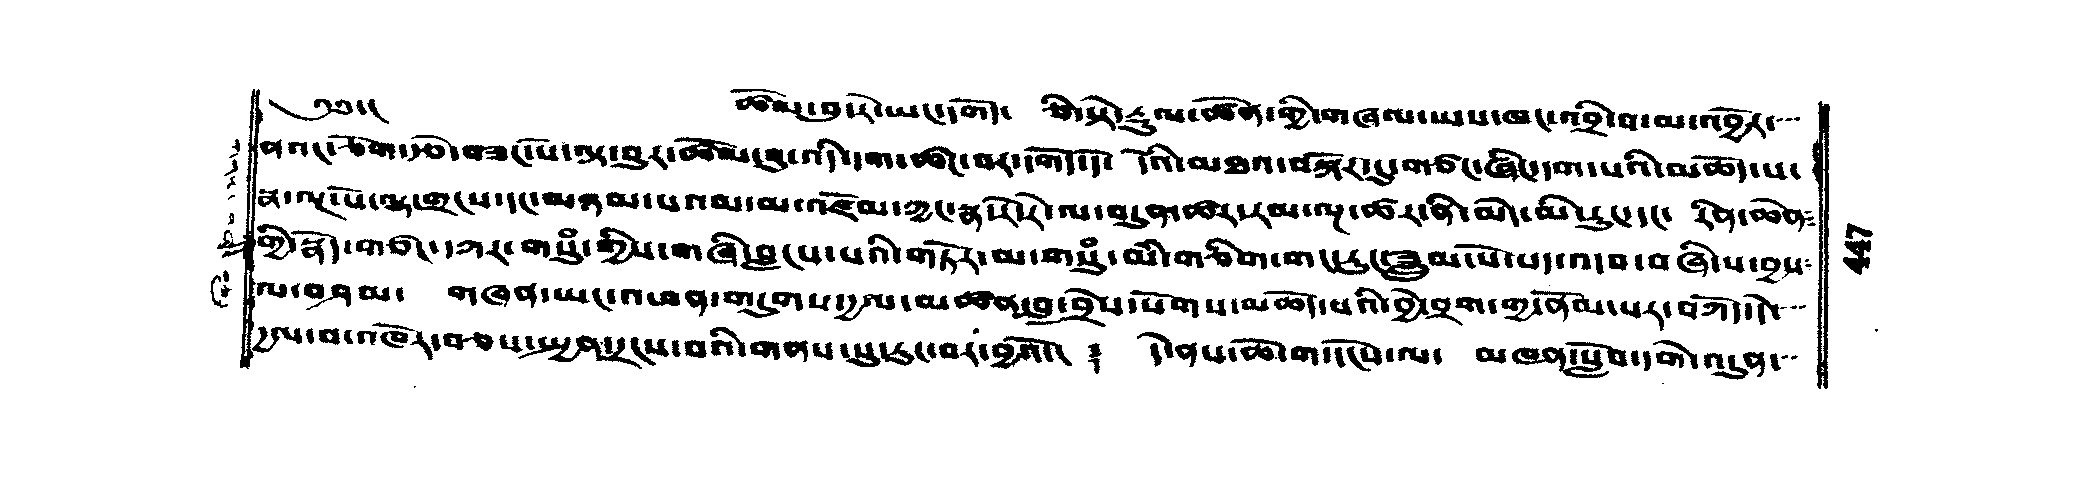ཚོམ་བུ་རེ་ཡང་འགོད། ཅི་སྟེ་རྡུལ་ཚོན་གྱི་གཞལ་ཡས་ཁང་འབྲི་བ་མ་འབྱོར་
ནའང་། ཅོག་རྩེ་བཟང་པོ་ལྟ་བུར་ཚོམ་བུ་འདི་དག་ཚང་བར་འགོད་དོ། དེའི་མཐའ་སྐོར་དུ་གཙང་ཞིང་དག་པའི་མཆོད་པ་
སྣ་ལྔ་པོ་ལྷ་གྲངས་དང་མཉམ་པའམ་མ་འཛོམ་ཀྱང་སྣ་རེ་རེ་བདུན་ཚར་རམ་ལྔ་ཚར་ནི་མེད་མི་རུང་དང་། རིན་ཆེན་
གྱི་སྣོད་གཙང་དཀར་གསུམ་གྱིས་གཞི་བླངས་པའི་གཏོར་མ་གསུམ་མམ་གཅིག་གང་རུང་ཟླུམ་པོ་པད་འདབ་བཞི་པ་བྱས་
ལ་བཤམ། གཞན་ཡང་འཕན་གདུགས་རྒྱལ་མཚན་བླ་བྲེ་སོགས་མཆོད་པའི་བྱེ་བྲག་གྱ་ནོམ་པར་བཀོད་དེ་
རྒྱལ་བ་འཁོར་བཅས་སྤྱན་དྲངས་བའི་གནས་སུ་རུང་བར་བྱའོ། དེ་ནས་ཆོ་ག་དངོས་ལ། མཁན་སློབ་དགེ་འདུན་